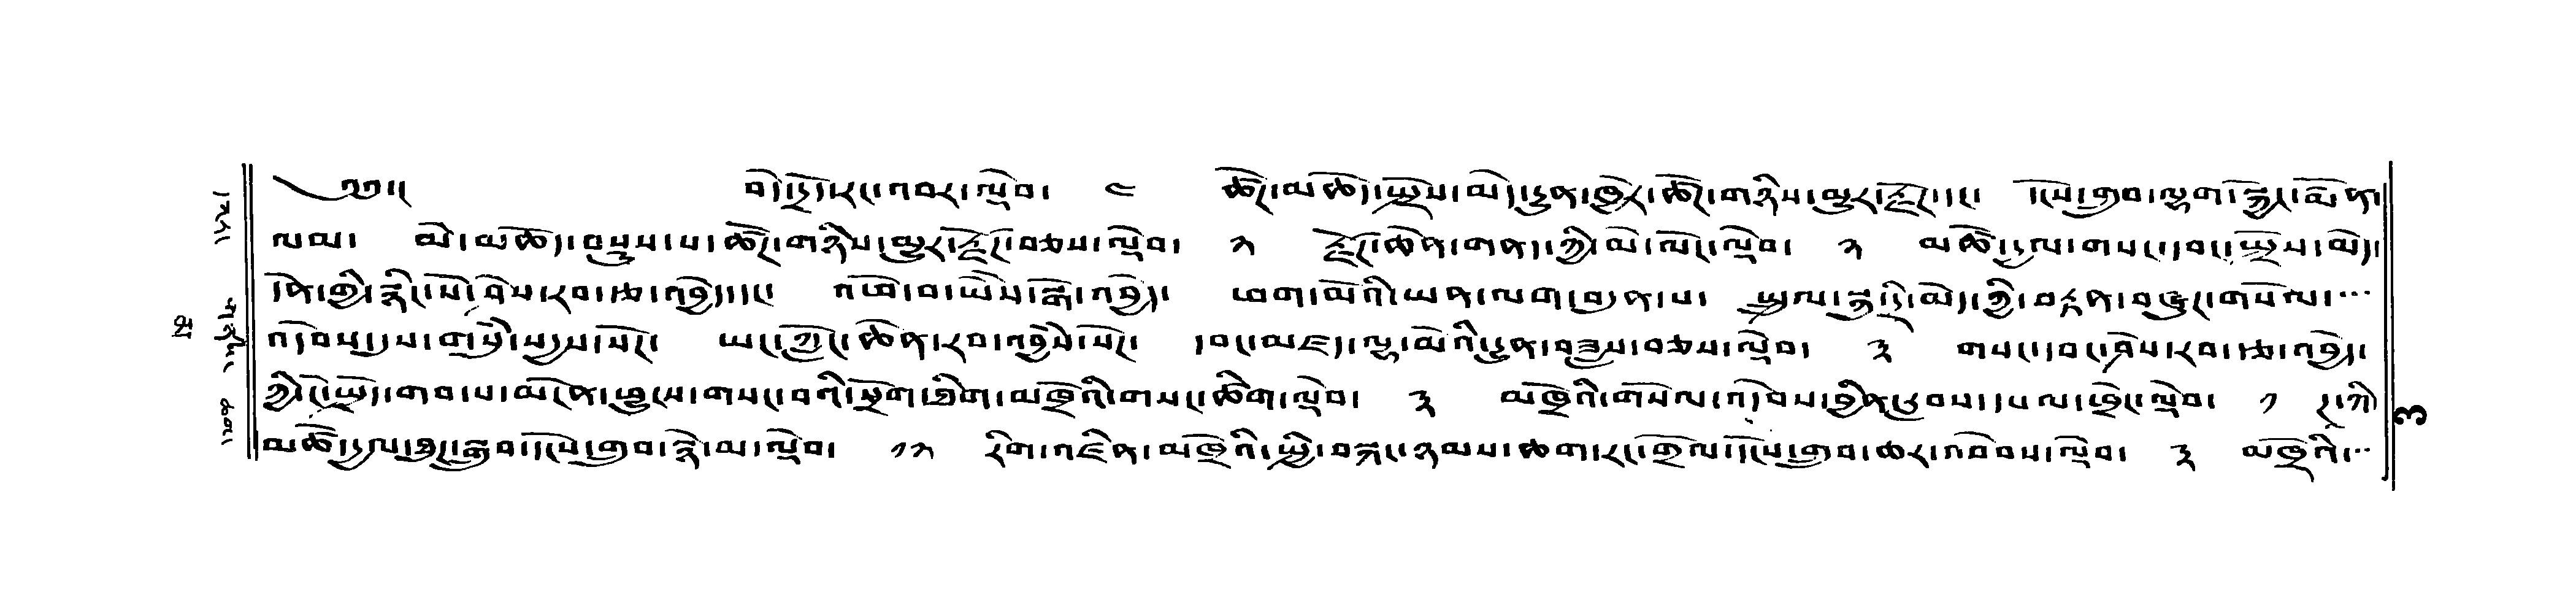བདེ་དྲོད་རང་འབར་ལྡེབ།ཚོགས་མཆོད་སྤྲོས་མེད་རྒྱུན་ཁྱེར་ཚོགས་གཉིས་མྱུར་རྫོགས་དང་། དངོས་གྲུབ་ལྷག་སྐྱོང་སྨོན་
ལམ། མེ་མཆོད་བསྡུས་པ་ཚོགས་གཉིས་མྱུར་རྫོགས་བཅས་ལྡེབ། རྫོགས་ཆེན་གནད་ཀྱི་མེ་ལོང་ལྡེབ། མཚོ་རྒྱལ་གསང་དབང་སྤྲོས་མེད་
དོན་གྱི་སྙིང་པོ་ཤེས་རབ་རྩ་འབྱེད་དང་། འཕོ་བ་ཡེ་ཤེས་སྒོ་འབྱེད། ཕག་མོའི་ཡན་ལག་བདུན་པ། སྤྲུལ་སྐུ་དྲི་མེད་ཀྱི་བརྟན་བཞུགས་གསོལ་
འདེབས་དུས་གསུམ་སངས་རྒྱས་སོགས། ཡང་ཀློང་ཆེན་རབ་འབྱམས་སོགས། དབང་མཛད་ལྷ་མོའི་རྒྱུན་བཟླས་བཅས་ལྡེབ། གསང་དབང་ཤེས་རབ་རྩ་འབྱེད་
ཀྱི་ངོ་སྤྲོད་གབ་པ་མངོན་ཕྱུངས་གསང་བའི་སྲོག་ཐིག་མཁའ་འགྲོའི་གསང་ཚིག་ལྡེབ། མཁའ་འགྲོའི་གསོལ་འདེབས་བྱིན་རླབས་དཔལ་ཕྲེང་ལྡེབ། ཌཱ་ཀི་
མཚོ་རྒྱལ་ཐུགས་སྒྲུབ་དངོས་གྲུབ་སྙེ་མ་ལྡེབ། རིག་འཛིན་མཁའ་འགྲོའི་སྤྱི་བསྐང་ཉམས་ཆག་རང་གྲོལ་དངོས་གྲུབ་ཆར་འབེབས་ལྡེབ། མཁའ་འགྲོའི་